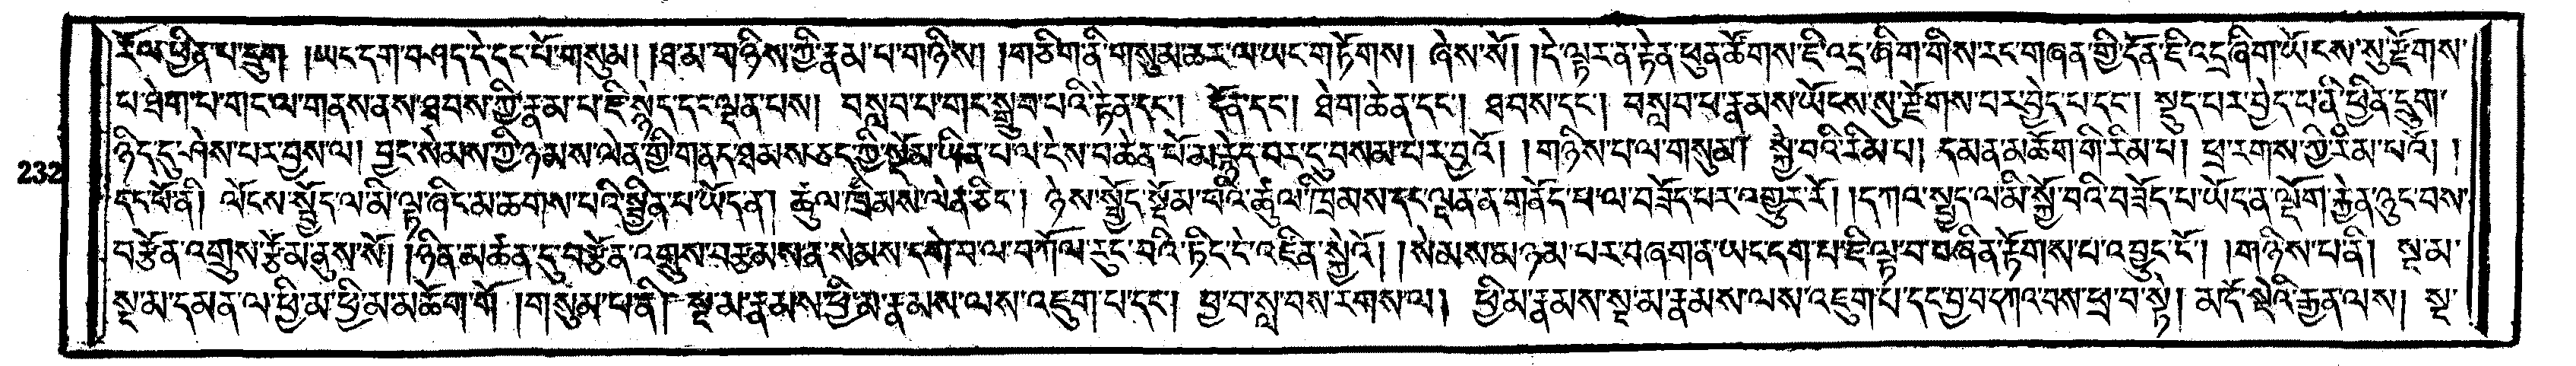རོལ་ཕྱིན་པ་དྲུག །ཡང་དག་བཤད་དེ་དང་པོ་གསུམ། །ཐ་མ་གཉིས་ཀྱི་རྣམ་པ་གཉིས། །གཅིག་ནི་གསུམ་ཆར་ལ་ཡང་གཏོགས། ཞེས་སོ། །དེ་ལྟར་ན་རྟེན་ཕུན་ཚོགས་ཇི་འདྲ་ཞིག་གིས་རང་གཞན་གྱི་དོན་ཇི་འདྲ་ཞིག་ཡོངས་སུ་རྫོགས་
པ་ཐེག་པ་གང་ལ་གནས་ནས་ཐབས་ཀྱི་རྣམ་པ་ཇི་སྙེད་དང་ལྡན་པས། བསླབ་པ་གང་སྒྲུབ་པའི་རྟེན་དང་། དོན་དང་། ཐེག་ཆེན་དང་། ཐབས་དང་། བསླབ་པ་རྣམས་ཡོངས་སུ་རྫོགས་པར་བྱེད་པ་དང་། སྡུད་པར་བྱེད་པ་ནི་ཕྱིན་དྲུག་
ཉིད་དུ་ཤེས་པར་བྱས་ལ། བྱང་སེམས་ཀྱི་ཉམས་ལེན་གྱི་གནད་ཐམས་ཅད་ཀྱི་སྡོམ་ཡིན་པ་ལ་ངེས་པ་ཆེན་པོ་མ་རྙེད་བར་དུ་བསམ་པར་བྱའོ། །གཉིས་པ་ལ་གསུམ། སྐྱེ་བའི་རིམ་པ། དམན་མཆོག་གི་རིམ་པ། ཕྲ་རགས་ཀྱི་རིམ་པའོ། །
དང་པོ་ནི། ལོངས་སྤྱོད་ལ་མི་ལྟ་ཞིང་མ་ཆགས་པའི་སྦྱིན་པ་ཡིད་ན། ཚུལ་ཁྲིམས་ལེན་ཅིང་། ཉེས་སྤྱོད་སྡོམ་པའི་ཚུལ་ཁྲིམས་དང་ལྡན་ན་གནོད་པ་ལ་བཟོད་པར་འགྱུར་རོ། །དཀའ་སྤྱད་ལ་མི་སྐྱོ་བའི་བཟོད་པ་ཡོད་ན་ལྡོག་རྐྱེན་ཉུང་བས་
བརྩོན་འགྲུས་རྩོམ་ནུས་སོ། །ཉིན་མཚན་དུ་བརྩོན་འགྲུས་བརྩམས་ན་སེམས་དགེ་བ་ལ་བཀོལ་རུང་བའི་ཏིང་ངེ་འཛིན་སྐྱེའོ། །སེམས་མཉམ་པར་བཞག་ན་ཡང་དག་པ་ཇི་ལྟ་བ་བཞིན་རྟོགས་པ་འབྱུང་ངོ། །གཉིས་པ་ནི། སྔ་མ་
སྔ་མ་དམན་ལ་ཕྱི་མ་ཕྱི་མ་མཆོག་གོ། །གསུམ་པ་ནི། སྔ་མ་རྣམས་ཕྱི་མ་རྣམས་ལས་འཇུག་པ་དང་། བྱ་བ་སླ་བས་རགས་ལ། ཕྱི་མ་རྣམས་སྔ་མ་རྣམས་ལས་འཇུག་པ་དང་བྱ་བ་དཀའ་བས་ཕྲ་བ་སྟེ། མདོ་སྡེའི་རྒྱན་ལས། སྔ་